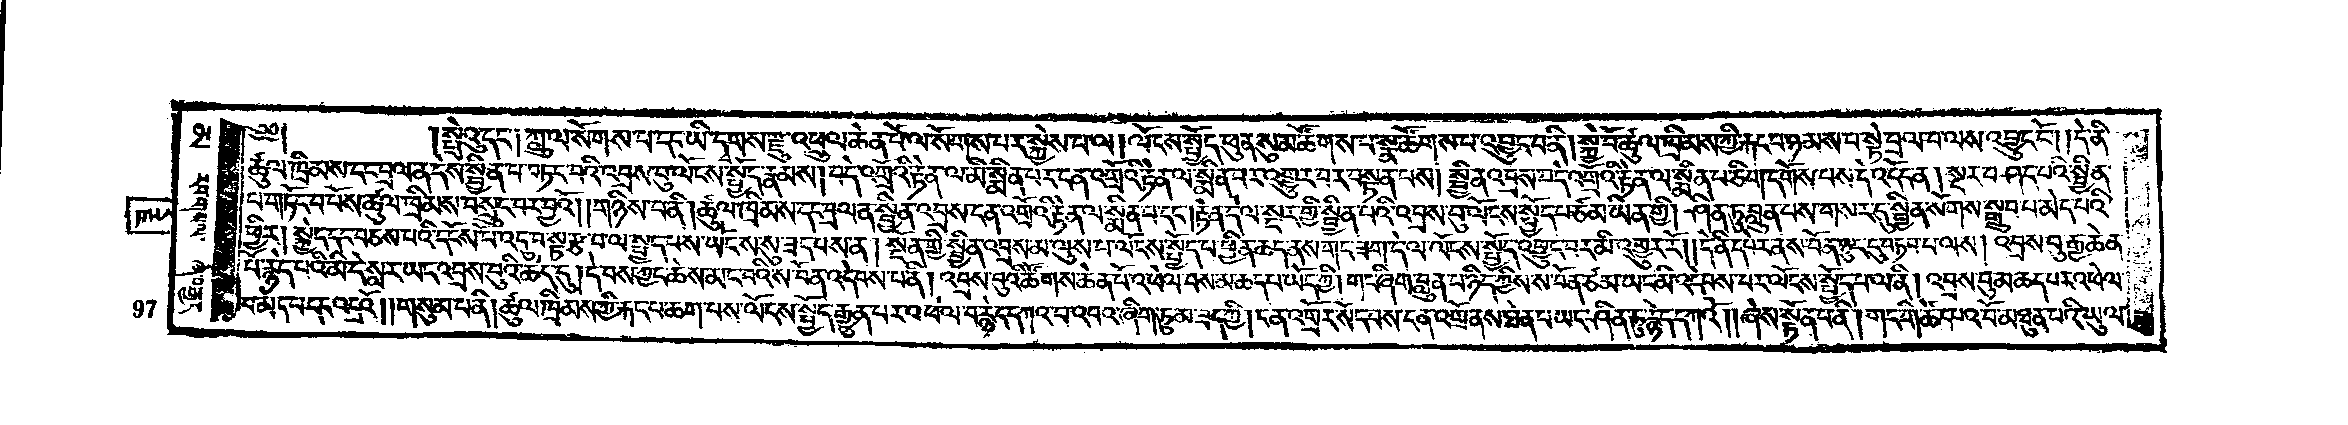༄༅། །སྤྲེའུ་དང་། ཀླུ་ལ་སོགས་པ་དང་ཡི་དྭགས་རྫུ་འཕྲུལ་ཆེན་པོ་ལ་སོགས་པར་སྐྱེས་པ་ལ། ལོངས་སྤྱོད་ཕུན་སུམ་ཚོགས་པ་སྣ་ཚོགས་པ་འབྱུང་བ་ནི། སྐྱེ་བོ་ཚུལ་ཁྲིམས་ཀྱི་རྐང་པ་ཉམས་པ་སྟེ་བྲལ་བ་ལས་འབྱུང་ངོ། །དེ་ནི་
ཚུལ་ཁྲིམས་དང་བྲལ་ན་དེས་སྦྱིན་པ་བཏང་བའི་འབྲས་བུ་ལོངས་སྤྱོད་རྣམས། བདེ་འགྲོའི་རྟེན་ལ་མི་སྨིན་པར་ངན་འགྲོའི་རྟེན་ལ་སྨིན་པར་འགྱུར་བར་བསྟན་པས། སྦྱིན་འབྲས་བདེ་འགྲོའི་རྟེན་ལ་སྨིན་པ་ཞིག་དགོས་པས་དེ་འདོད་ན། སྔར་བཤད་པའི་སྦྱིན་
པ་གཏོང་བ་པོས་ཚུལ་ཁྲིམས་བསྲུང་བར་བྱའོ། །གཉིས་པ་ནི། ཚུལ་ཁྲིམས་དང་བྲལ་ན་སྦྱིན་འབྲས་ངན་འགྲོའི་རྟེན་ལ་སྨིན་པ་དང་། རྟེན་དེ་ལ་སྔར་གྱི་སྦྱིན་པའི་འབྲས་བུ་ལོངས་སྤྱོད་པ་ཙམ་ཡིན་གྱི། ཤིན་ཏུ་བླུན་པས་གསར་དུ་སྦྱིན་སོགས་སྒྲུབ་པ་མེད་པའི་
ཕྱིར། སྐྱེད་དང་བཅས་པའི་དངོས་པོ་འདུ་བ་སྟེ་རྩ་བ་ལ་སྤྱད་པས་ཡོངས་སུ་ཟད་པས་ན། སྔོན་གྱི་སྦྱིན་འབྲས་མ་ལུས་པ་ལོངས་སྤྱོད་པ་ཕྱིན་ཆད་ནས་གང་ཟག་དེ་ལ་ལོངས་སྤྱོད་འབྱུང་བར་མི་འགྱུར་རོ། །དེ་ནི་དཔེར་ན་ས་བོན་ཉུང་དུ་བཏབ་པ་ལས། འབྲས་བུ་རྒྱ་ཆེན་
པོ་རྙེད་པའི་མི་དེ་སླར་ཡང་འབྲས་བུའི་ཆེད་དུ། དེ་བས་ཀྱང་ཆེས་མང་བའི་ས་བོན་འདེབས་པ་ནི། འབྲས་བུའི་ཚོགས་ཆེན་པོ་འཕེལ་བས་མ་ཆད་པ་ཡོད་ཀྱི། གང་ཞིག་བླུན་པོ་ཉིད་ཀྱིས་ས་བོན་ཙམ་ཡང་མི་འདེབས་པར་ལོངས་སྤྱོད་པ་ལ་ནི། འབྲས་བུ་མ་ཆད་པར་འཕེལ་
བ་མེད་པ་དང་འདྲའོ། །གསུམ་པ་ནི། ཚུལ་ཁྲིམས་ཀྱི་རྐང་པ་ཆག་པས་ལོངས་སྤྱོད་རྒྱུན་པར་འཕེལ་བ་རྙེད་དཀའ་བ་འབའ་ཞིག་ཏུ་མ་ཟད་ཀྱི། ངན་འགྲོར་སོང་བས་ངན་འགྲོ་ནས་ཐོན་པ་ཡང་ཤིན་ཏུ་རྙེད་དཀའོ། །ཞེས་སྟོན་པ་ནི། གང་གི་ཚེ་དཔའ་བོ་མཐུན་པའི་ཡུལ་